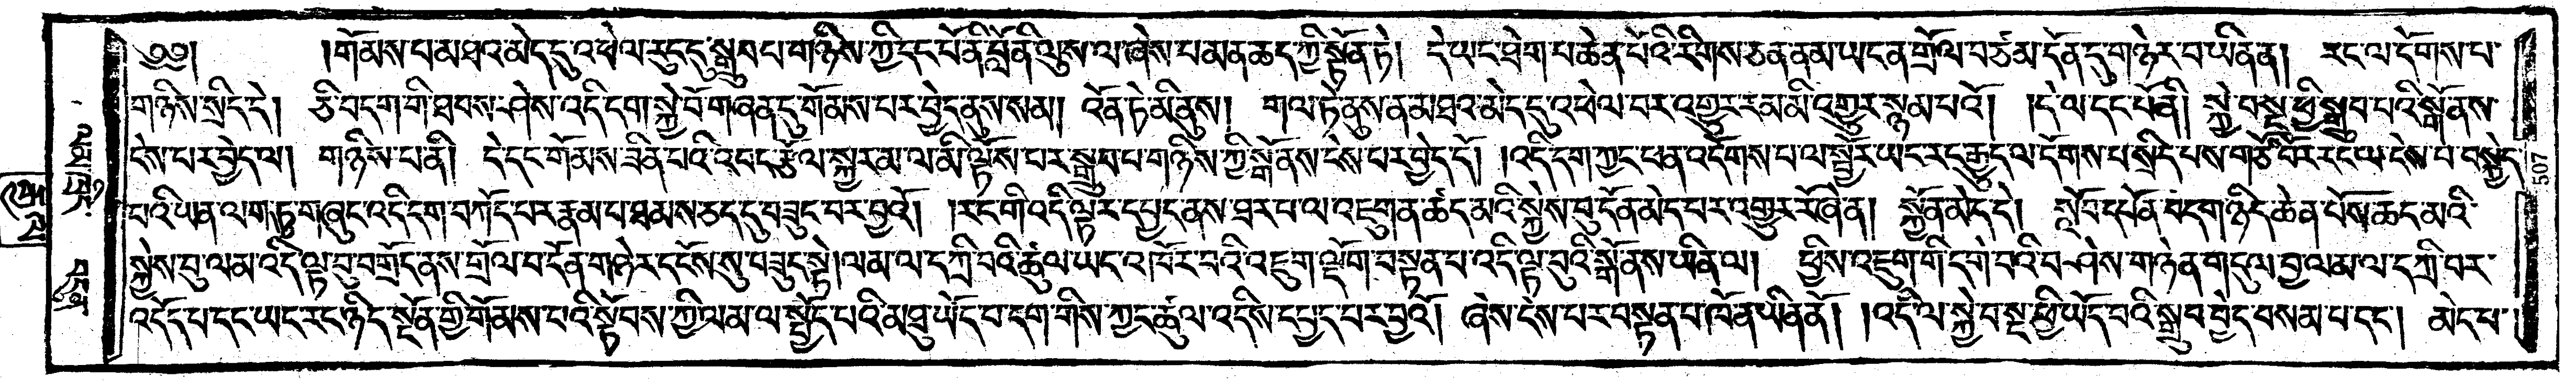༄༅། །གོམས་པ་མཐའ་མེད་དུ་འཕེལ་རུང་དུ་སྒྲུབ་པ་གཉིས་ཀྱི་དང་པོ་ནི་བློ་ནི་ལུས་ལ་ཞེས་པ་མན་ཆད་ཀྱི་སྟོན་ཏེ། དེ་ཡང་ཐེག་པ་ཆེན་པོའི་རིགས་ཅན་ནམ་ཡང་ན་གྲོལ་བ་ཙམ་དོན་དུ་གཉེར་པ་ཡིན་ན། རང་ལ་དོགས་པ་
གཉིས་སྲིད་དེ། ཅི་བདག་གི་ཐབས་ཤེས་འདི་དག་སྐྱེ་བོ་གཞན་དུ་གོམས་པར་བྱེད་ནུས་སམ། འོན་ཏེ་མི་ནུས། གལ་ཏེ་ནུས་ན་མཐའ་མེད་དུ་འཕེལ་བར་འགྱུར་རམ་མི་འགྱུར་སྙམ་པའོ། །དེ་ལ་དང་པོ་ནི། སྐྱེ་བ་སྔ་ཕྱི་སྒྲུབ་པའི་སྒོ་ནས་
ངེས་པར་བྱེད་ལ། གཉིས་པ་ནི། དེ་དང་གོམས་ཟིན་པའི་འབད་རྩོལ་སྐྱར་མ་ལ་མི་ལྟོས་པར་སྒྲུབ་པ་གཉིས་ཀྱི་སྒོ་ནས་ངེས་པར་བྱེད་དོ། །འདི་དག་ཀྱང་ཕན་འདོགས་པ་ལ་སྦྱོར་ཡང་རང་རྒྱུད་ལ་དོགས་པ་སྲིད་པས་གཙོ་བོར་རང་ལ་ངེས་པ་བསྐྱེད་
པའི་ཡན་ལག་ཏུ་གཞུང་འདི་དག་བཀོད་པར་རྣམ་པ་ཐམས་ཅད་དུ་བཟུང་བར་བྱའོ། །རང་གི་འདི་ལྟར་དཔྱད་ནས་ཐར་པ་ལ་འཇུག་ན་ཚད་མའི་སྐྱེས་བུ་དོན་མེད་པར་འགྱུར་རོ་ཞེ་ན། སྐྱོན་མེད་དེ། སློབ་དཔོན་བདག་ཉིད་ཆེན་པོས་ཚད་མའི་
སྐྱེས་བུ་ལམ་འདི་ལྟ་བུ་བགྲོད་ནས་གྲོལ་བ་དོན་གཉེར་དངོས་སུ་བཟུང་སྟེ། ལམ་ལ་དཀྲི་བའི་ཚུལ་ཡང་འཁོར་བའི་འཇུག་ལྡོག་བསྟན་པ་འདི་ལྟ་བུའི་སྒོ་ནས་ཡིན་ལ། ཕྱིས་འཇུག་གི་དགེ་བའི་བཤེས་གཉེན་གདུལ་བྱ་ལམ་ལ་དཀྲི་བར་
འདོད་པ་དང་ཡང་རང་ཉིད་སྔོན་གྱི་གོམས་པའི་སྟོབས་ཀྱི་ལམ་ལ་སྤྱོད་པའི་མཐུ་ཡོད་པ་དག་གིས་ཀྱང་ཚུལ་འདིས་དཔྱད་པར་བྱའོ། ཞེས་ངེས་པར་བསྟན་པ་ཁོ་ན་ཡིན་ནོ། །འདི་ལ་སྐྱེ་བ་སྔ་ཕྱི་ཡོད་པའི་སྒྲུབ་བྱེད་བསམ་པ་དང་། མེད་པ་